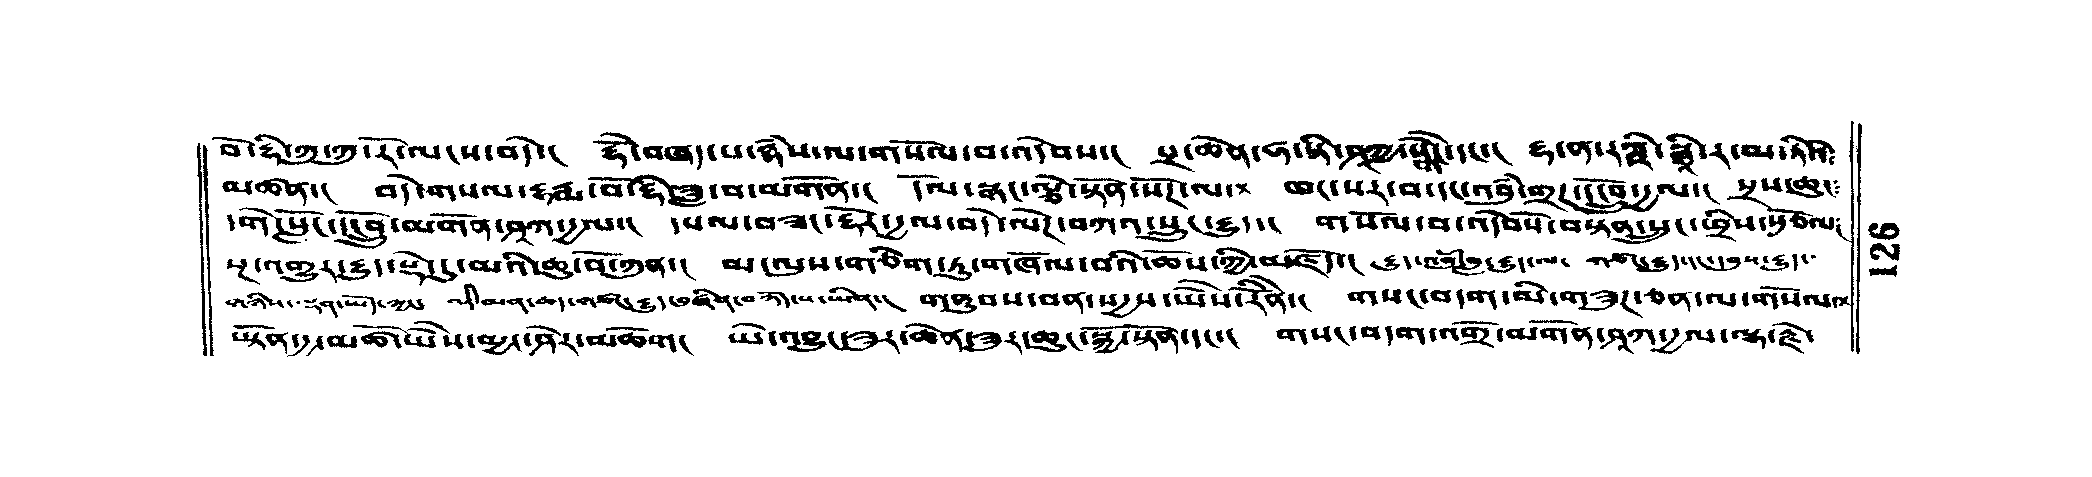བོ་དྷི་ཀུ་ཀུ་རོ་ལང་ས་བདེ། །རྡོ་རྗེ་བཞད་པ་རྣམས་ལ་གསོལ་བ་འདེབས། །པྲ་ཆེན་ཧསྟི་ཤཱཀྱ་སེངྒེ་དང་། །དྷ་ན་རཀྵི་སྠཱི་ར་མ་ཏིའི་
མཚན། །བདེ་གསལ་དྷརྨ་བོ་དྷི་ཟླ་བ་མགོན། །དོལ་སྒང་ལྕེ་སྟོན་སོགས་ལ༴ །ཁང་སར་བ་དང་འབུམ་གྲགས་དངོས་གྲུབ་རྒྱལ། །སྲས་ཆུང་
དགེ་སློང་དངོས་གྲུབ་མགོན་ཤཱཀ་རྒྱལ། །དཔལ་བཟང་རྡོར་རྒྱལ་བདེ་ལེགས་བཀའ་སྲུང་རྒྱུད། །གསོལ་བ་འདེབས་སོ་བསྟན་སྲུང་ཕྲིན་ལས་སྩོལ། །
སྔ་འགྱུར་རྒྱུད་སྡེ་དུ་མའི་ཆུ་བོ་ཀུན། །མ་ལུས་གཅིག་ཏུ་གཞོལ་བའི་ཆོས་ཀྱི་མཛོད།རྒྱུད་འབུམ་བླ་རྒྱུད་ལ། གཙང་རྒྱུད་དང་དབུས་རྒྱུད་
གཉིས་ལྡན་ཡོད་ཀྱང་། འདི་མན་ཆད་གཙང་རྒྱུད་བཞིན་བཀོད་པ་ཡིན ། །གནུབས་བན་སངས་རྒྱས་ཡེ་ཤེས་རིན་པོ་ཆེ། །གསང་བདག་མི་གཟུགས་ཅན་ལ་གསོལ༴ །
ཡོན་ཏན་རྒྱ་མཚོ་ཡེ་ཤེས་མྱང་ཤེར་མཆོག །ཡེ་འབྱུང་ཟུར་ཆེན་ཟུར་ཆུང་སྐྱོ་སྟོན་དང་། །གསང་བདག་འགྲོ་མགོན་ཤཱཀ་རྒྱལ་ལྷ་རྗེ་